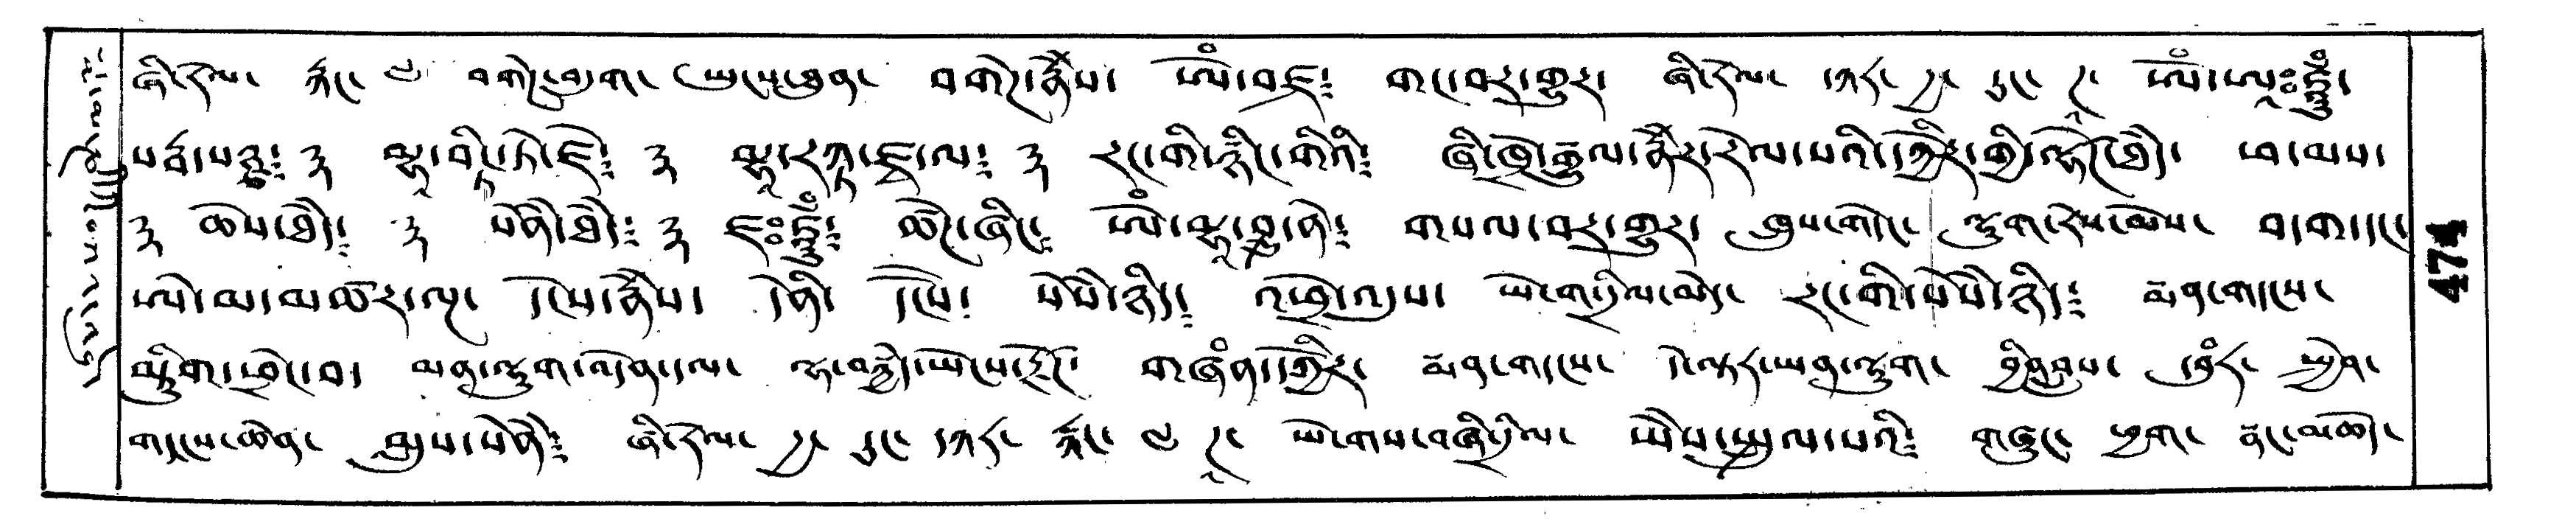ཞི་རོལ། རྐང་བཞི། བགེགས་བདུག ཡུངས་ཐུན། བགེགས་རྣམས༴ ཨོཾ་བཛྲ༴ གང་བར་གྱུར། ཞི་རོལ། དཀར། རྒྱ། དུང་། ཌཱ། ཨོཾ་ཨཱཿཧཱུྃ་
སརྦ་པཉྩ༴ གསུམ། མ་ཧཱ་བ་ལིངྟ་ཏེ་ཛོ༴ གསུམ། མ་ཧཱ་རཀྟ་ཛྭ་ལ༴ གསུམ། རང་གི་སྙིང་གའི༴ ཞི་ཁྲོ་སྒྱུ་འཕྲུལ་རྣམ་པར་རོལ་པའི་དཀྱིལ་འཁོར་གྱི་ལྷ་ཚོགས་ཐམས་ཅད༴ཕ་མས༴ 
གསུམ། ཆོས་ཐམས་ཅད༴ གསུམ། སེམས་ཅན་ཐམས་ཅད༴ གསུམ། ཛཿཧཱུྃ༴ ཚོགས་ཞིང༴ ཨོཾ་མ་ཧཱ་ཤུ་ནྱེ༴ གསལ་བར་གྱུར། ཁྲུས་གདངས། ལྷུག་རེས་མོས། བདག་དང༴ 
ཨེ་མ༴ མཚར་ལྔ། དངོས་རྣམས༴ དེ་ནི༴ དངོས་པོ༴ སེམས་ཉིད༴ འཕྲོ་འདུས༴ ཡོ་ག་དྲིལ་མེད། རང་གི་སེམས་ཉིད༴ སྨན་གདངས། 
མུ་ཏིག་ཕྲེང་བ༴ མན་ལྷུག་འདོན་དལ། ལྷ་བསྐྱེད་ཡོངས་རྫོགས། གཞན་ཡང་དཀྱིལ་འཁོར༴ སྨན་གདངས། དེ་ལྟར༴ ཡན་ལྷུག བྱིན་རླབས། དབང་བསྐུར། སྤྱན་འདྲེན་
གདངས་ཆེན། མ་ལུས་སེམས་ཅན༴ ཞི་རོལ། རྒྱ། དུང་། དཀར། རྐང་བཞི། ཌཱ། ཡོ་ག་བཞི་དྲིལ། ཡེ་ཤེས་སྤྲུལ་པའི༴ བཞུགས་གསོལ། ཕྱག སྣང་མཆོད།